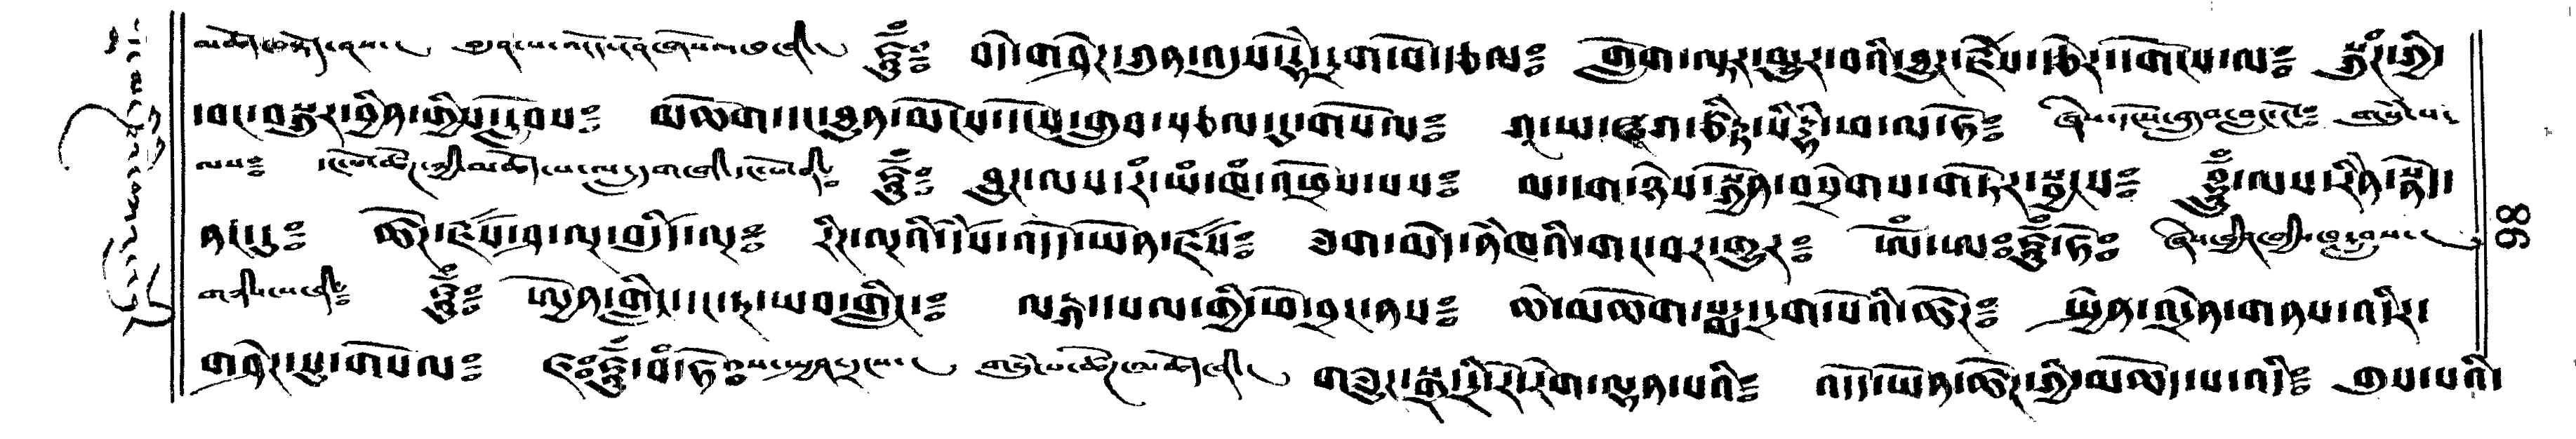མཆོད་བསྟོད་ནས། བདུན་པ་འདོད་དོན་གསོལ་བ་ནི། ཧཱུྃ༔ བདེ་གཤེགས་ཀུན་འདུས་རྡོ་རྗེ་དྲག་པོ་རྩལཿ གློག་ལྟར་མྱུར་བའི་ཐུགས་རྫེས་རྩེར་དགོངས་ལ༔ སྐུ་གསུང་ཐུགས་ཀྱི་
དབང་སྐུར་བྱིན་གྱིས་རློབས༔ མཆོག་དང་ཐུན་མོང་དངོས་གྲུབ་སྩལ་དུ་གསོལ༔ ཀཱ་ཡ་ཝཱཀ་ཙིཏྟ་སིདྡྷི་ཕ་ལ་ཧོ༔ ཞེས་དངོས་གྲུབ་བླང་ངོ། གསུམ་པ་
ལས། དང་པོ་ཚོགས་ཀྱི་མཆོད་པ་ལ་དྲུག་གི་དང་པོ་ནི། ཧཱུྃ༔ ཐུགས་ལས་རཾ་ཡཾ་ཁཾ་འཕྲོས་པས༔ མ་དག་ཉེས་སྐྱོན་བསྲེགས་གཏོར་སྦྱངས༔ བྷྲུྃ་ལས་རིན་ཆེན་སྣོད་
ནང་དུ༔ ཚོགས་རྫས་ཤ་ལྔ་བདུད་རྩི་ལྔ༔ རིགས་ལྔའི་དམ་རྫས་འདོད་ཡོན་རྫས༔ ཟག་མེད་ནམ་མཁའ་གང་བར་གྱུར༔ ཨོཾ་ཨ༔ཧཱུྃ་ཧོ༔ ཞེས་བྱིན་གྱིས་བརླབས། 
གཉིས་པ་ནི། ཧཱུྃ༔ ཨོ་རྒྱན་གླིང་དང་རྔ་ཡབ་གླིང༔ ལངྐ་དཔལ་གྱི་ཕོ་བྲང་ནས༔ ཆེ་མཆོག་པདྨ་དྲག་པོའི་ཚོགས༔ སྤྱན་འདྲེན་གནས་འདིར་
གཤེགས་སུ་གསོལ༔ ཛ༔ཧཱུྃ་བཾ་ཧོཿ ས་སྤྱན་དྲངས། གསུམ་པ་ཚོགས་མཆོད་ནི། གཟུགས་སྒྲ་དྲི་རོ་རེག་ལྡན་པའི༔ འདོད་ཡོན་ཚོགས་ཀྱི་མཆོད་པ་འདི༔ གུས་པའི་